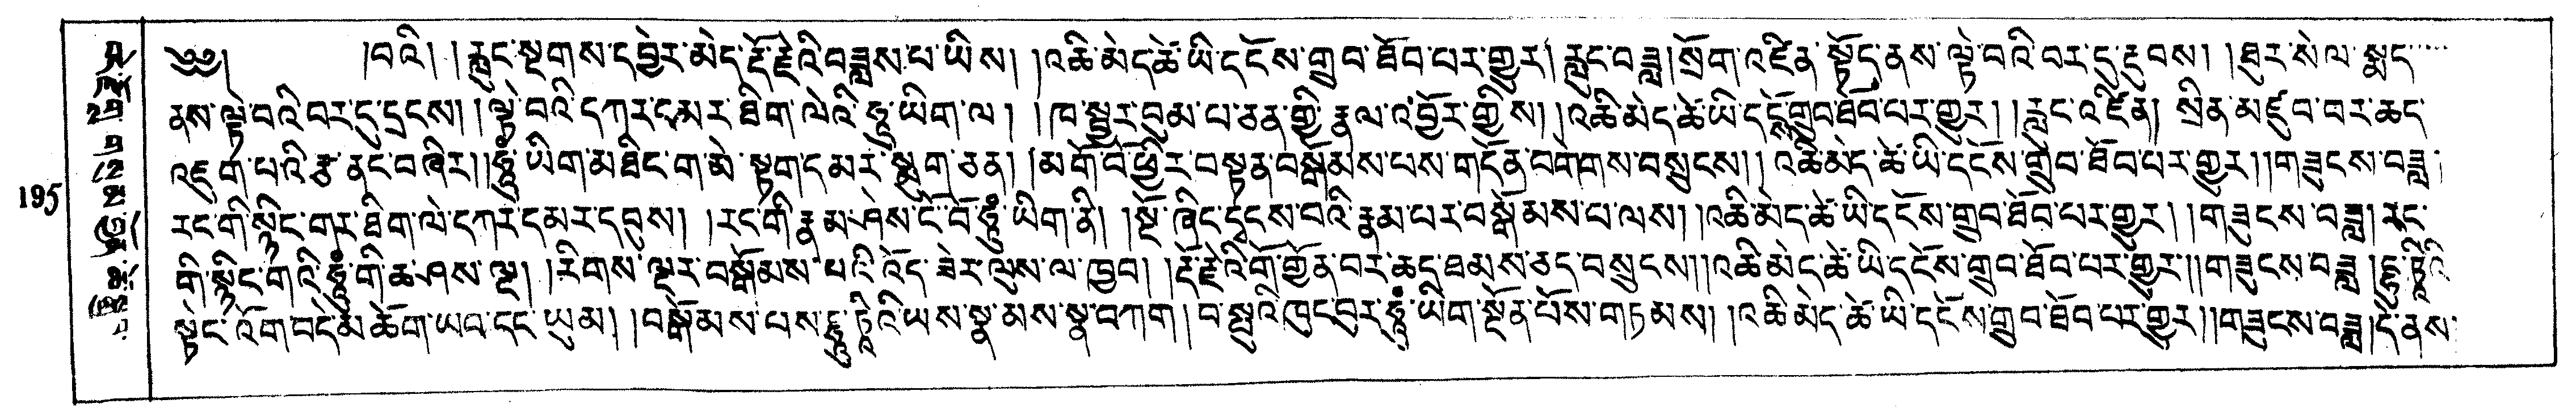༄༅། །བའི། །རླུང་སྔགས་དབྱེར་མེད་རྡོ་རྗེའི་བཟླས་པ་ཡིས། །འཆི་མེད་ཚེ་ཡི་དངོས་གྲུབ་ཐོབ་པར་གྱུར། རླུང་བཟླ། སྲོག་འཛིན་སྟོང་ནས་ལྟེ་བའི་བར་དུ་རྡུབས། །ཐུར་སེལ་སྨད་
ནས་ལྟེ་བའི་བར་དུ་དྲངས། །ལྟེ་བའི་དཀར་དམར་ཐིག་ལེའི་ཧཱུ་ཡིག་ལ། །ཁ་སྦྱར་བུམ་པ་ཅན་གྱི་རྣལ་འབྱོར་གྱིས། །འཆི་མེད་ཚེ་ཡི་དངོས་གྲུབ་ཐོབ་པར་གྱུར། །རླུང་འཛིན། སྲིན་མཛུབ་བར་ཆད་
འཇུག་པའི་རྩ་ནང་བཞིར། །ཧཱུཾ་ཡིག་མཐིང་ག་མེ་སྟག་དམར་སྨུག་ཅན། །མགོ་བོ་ཕྱིར་བསྟན་བསྒོམས་པས་གདོན་བགེགས་བསྲུངས། །འཆི་མེད་ཚེ་ཡི་དངོས་གྲུབ་ཐོབ་པར་གྱུར། །གཟུངས་བཟླ།
རང་གི་སྙིང་གར་ཐིག་ལེ་དཀར་དམར་དབུས། །རང་གི་རྣམ་ཤེས་ངོ་བོ་ཧཱུཾ་ཡིག་ནི། །སྔོ་ཞིང་དྭངས་བའི་རྣམ་པར་བསྒོམས་པ་ལས། །འཆི་མེད་ཚེ་ཡི་དངོས་གྲུབ་ཐོབ་པར་གྱུར། །གཟུངས་བཟླ། རང་
གི་སྙིང་གའི་ཧཱུཾ་གི་ཆ་ཤས་ལྔ། །རིགས་ལྔར་བསྒོམས་པའི་འོད་ཟེར་ལུས་ལ་ཁྱབ། །རྡོ་རྗེའི་གོ་གྱོན་བར་ཆད་ཐམས་ཅད་བསྲུངས། །འཆི་མེད་ཚེ་ཡི་དངོས་གྲུབ་ཐོབ་པར་གྱུར། །གཟུངས་བཟླ། དྷུ་ཏཱིའི་
སྟེང་འོག་བདེ་མཆོག་ཡབ་དང་ཡུམ། །བསྒོམས་པས་དྷཱུ་ཏཱིའི་ཡས་སྣ་མས་སྣ་བཀག །བ་སྤུའི་ཁུང་བུར་ཧཱུཾ་ཡིག་སྔོན་པོས་གཏམས། །འཆི་མེད་ཚེ་ཡི་དངོས་གྲུབ་ཐོབ་པར་གྱུར། །གཟུངས་བཟླ།